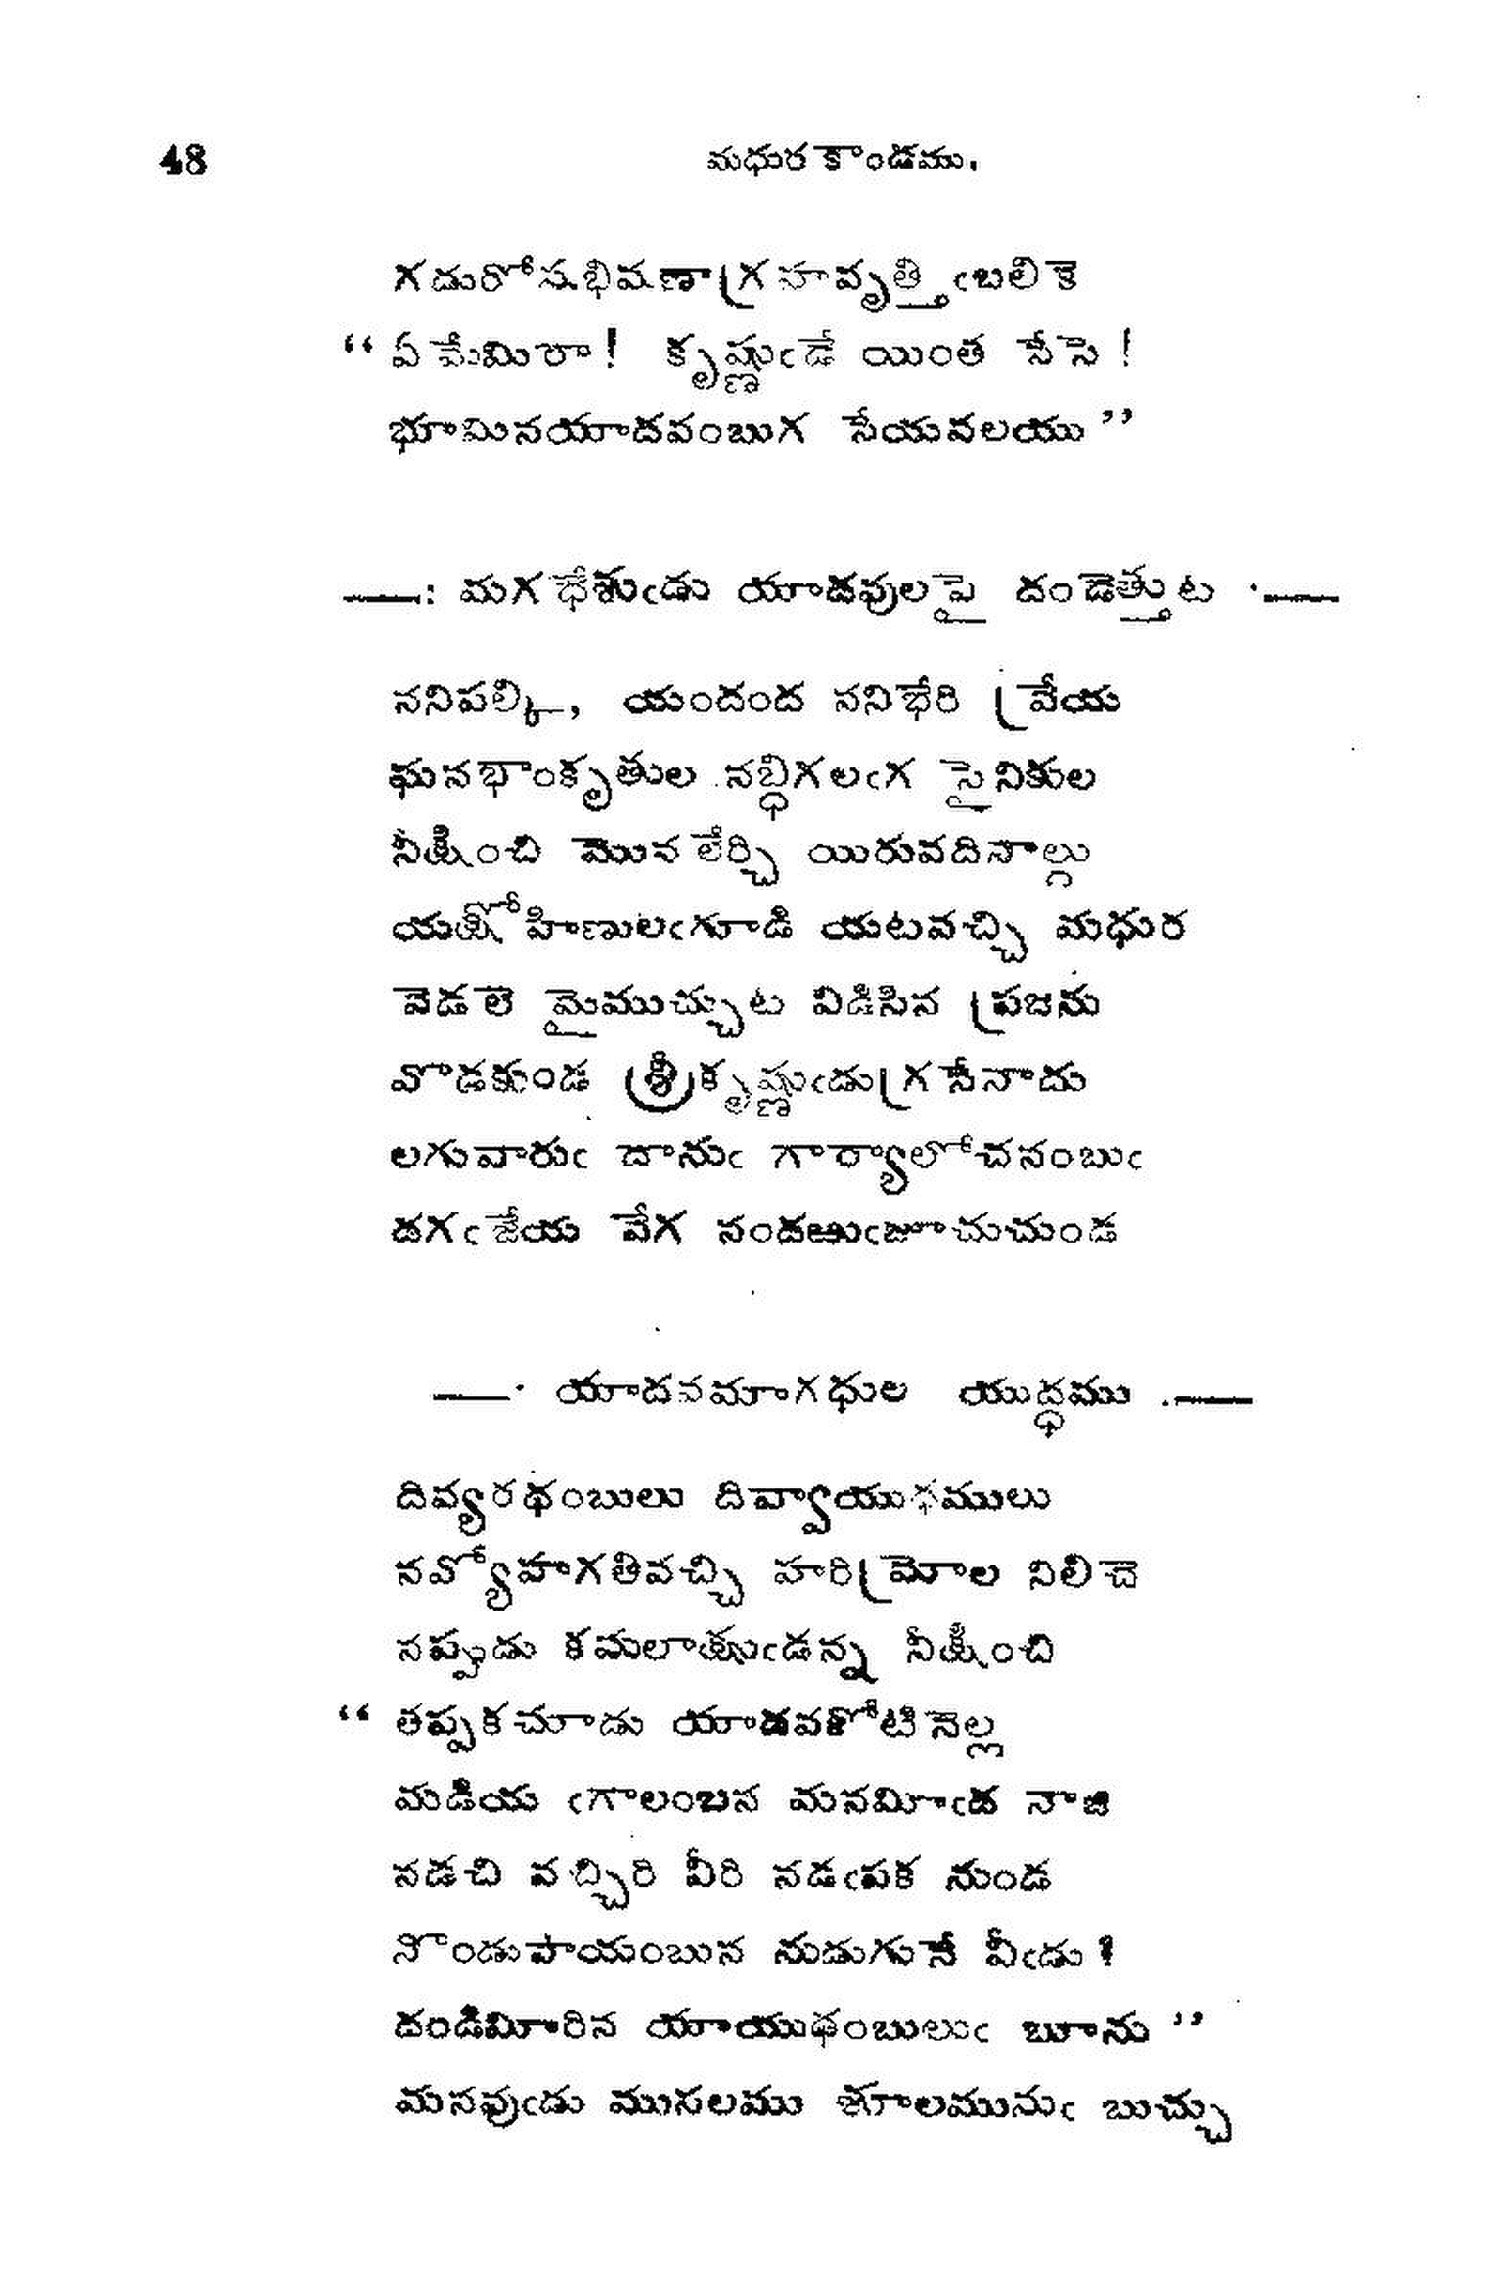గడురోషభీషణాగ్రహవృత్తిఁ బలికె
“ఏమేమిరా! కృష్ణుఁడే యింత సేసె!
భూమి నయాదవంబుగ సేయవలయు"

నని పల్కి, యందంద ననిభేరి వేయ
ఘనభాంకృతుల నబ్ధిగలఁగ సైనికుల
నీక్షించి మొనలేర్చి యిరువదినాల్గు
యక్షోహిణులఁ గూడి యటవచ్చి మధుర
వెడలె మైముచ్చుట విడిసిన ప్రజను
వొడకుండ శ్రీకృష్ణుఁ డుగ్రసేనాదు
లగువారుఁ దానుఁ గార్యాలోచనంబుఁ
దగఁ జేయ వేగ నందఱుఁ జూచుచుండ

దివ్యరథంబులు దివ్యాయుధములు
నవ్యోహగతి వచ్చి హరిమ్రోల నిలిచె
నప్పుడు కమలాక్షుఁ డన్న నీక్షించి
“తప్పక చూడు యాదవకోటి నెల్ల
మడియఁగాలంబన మనమీఁద నాజి
నడచి వచ్చిరి వీరి నడఁపక నుండ
నొండుపాయంబున నుడుగునే వీడు?
దండిమీరిన యాయుధంబులుఁ బూను”
మనవుఁడు ముసలము శూలమునుఁ బుచ్చు